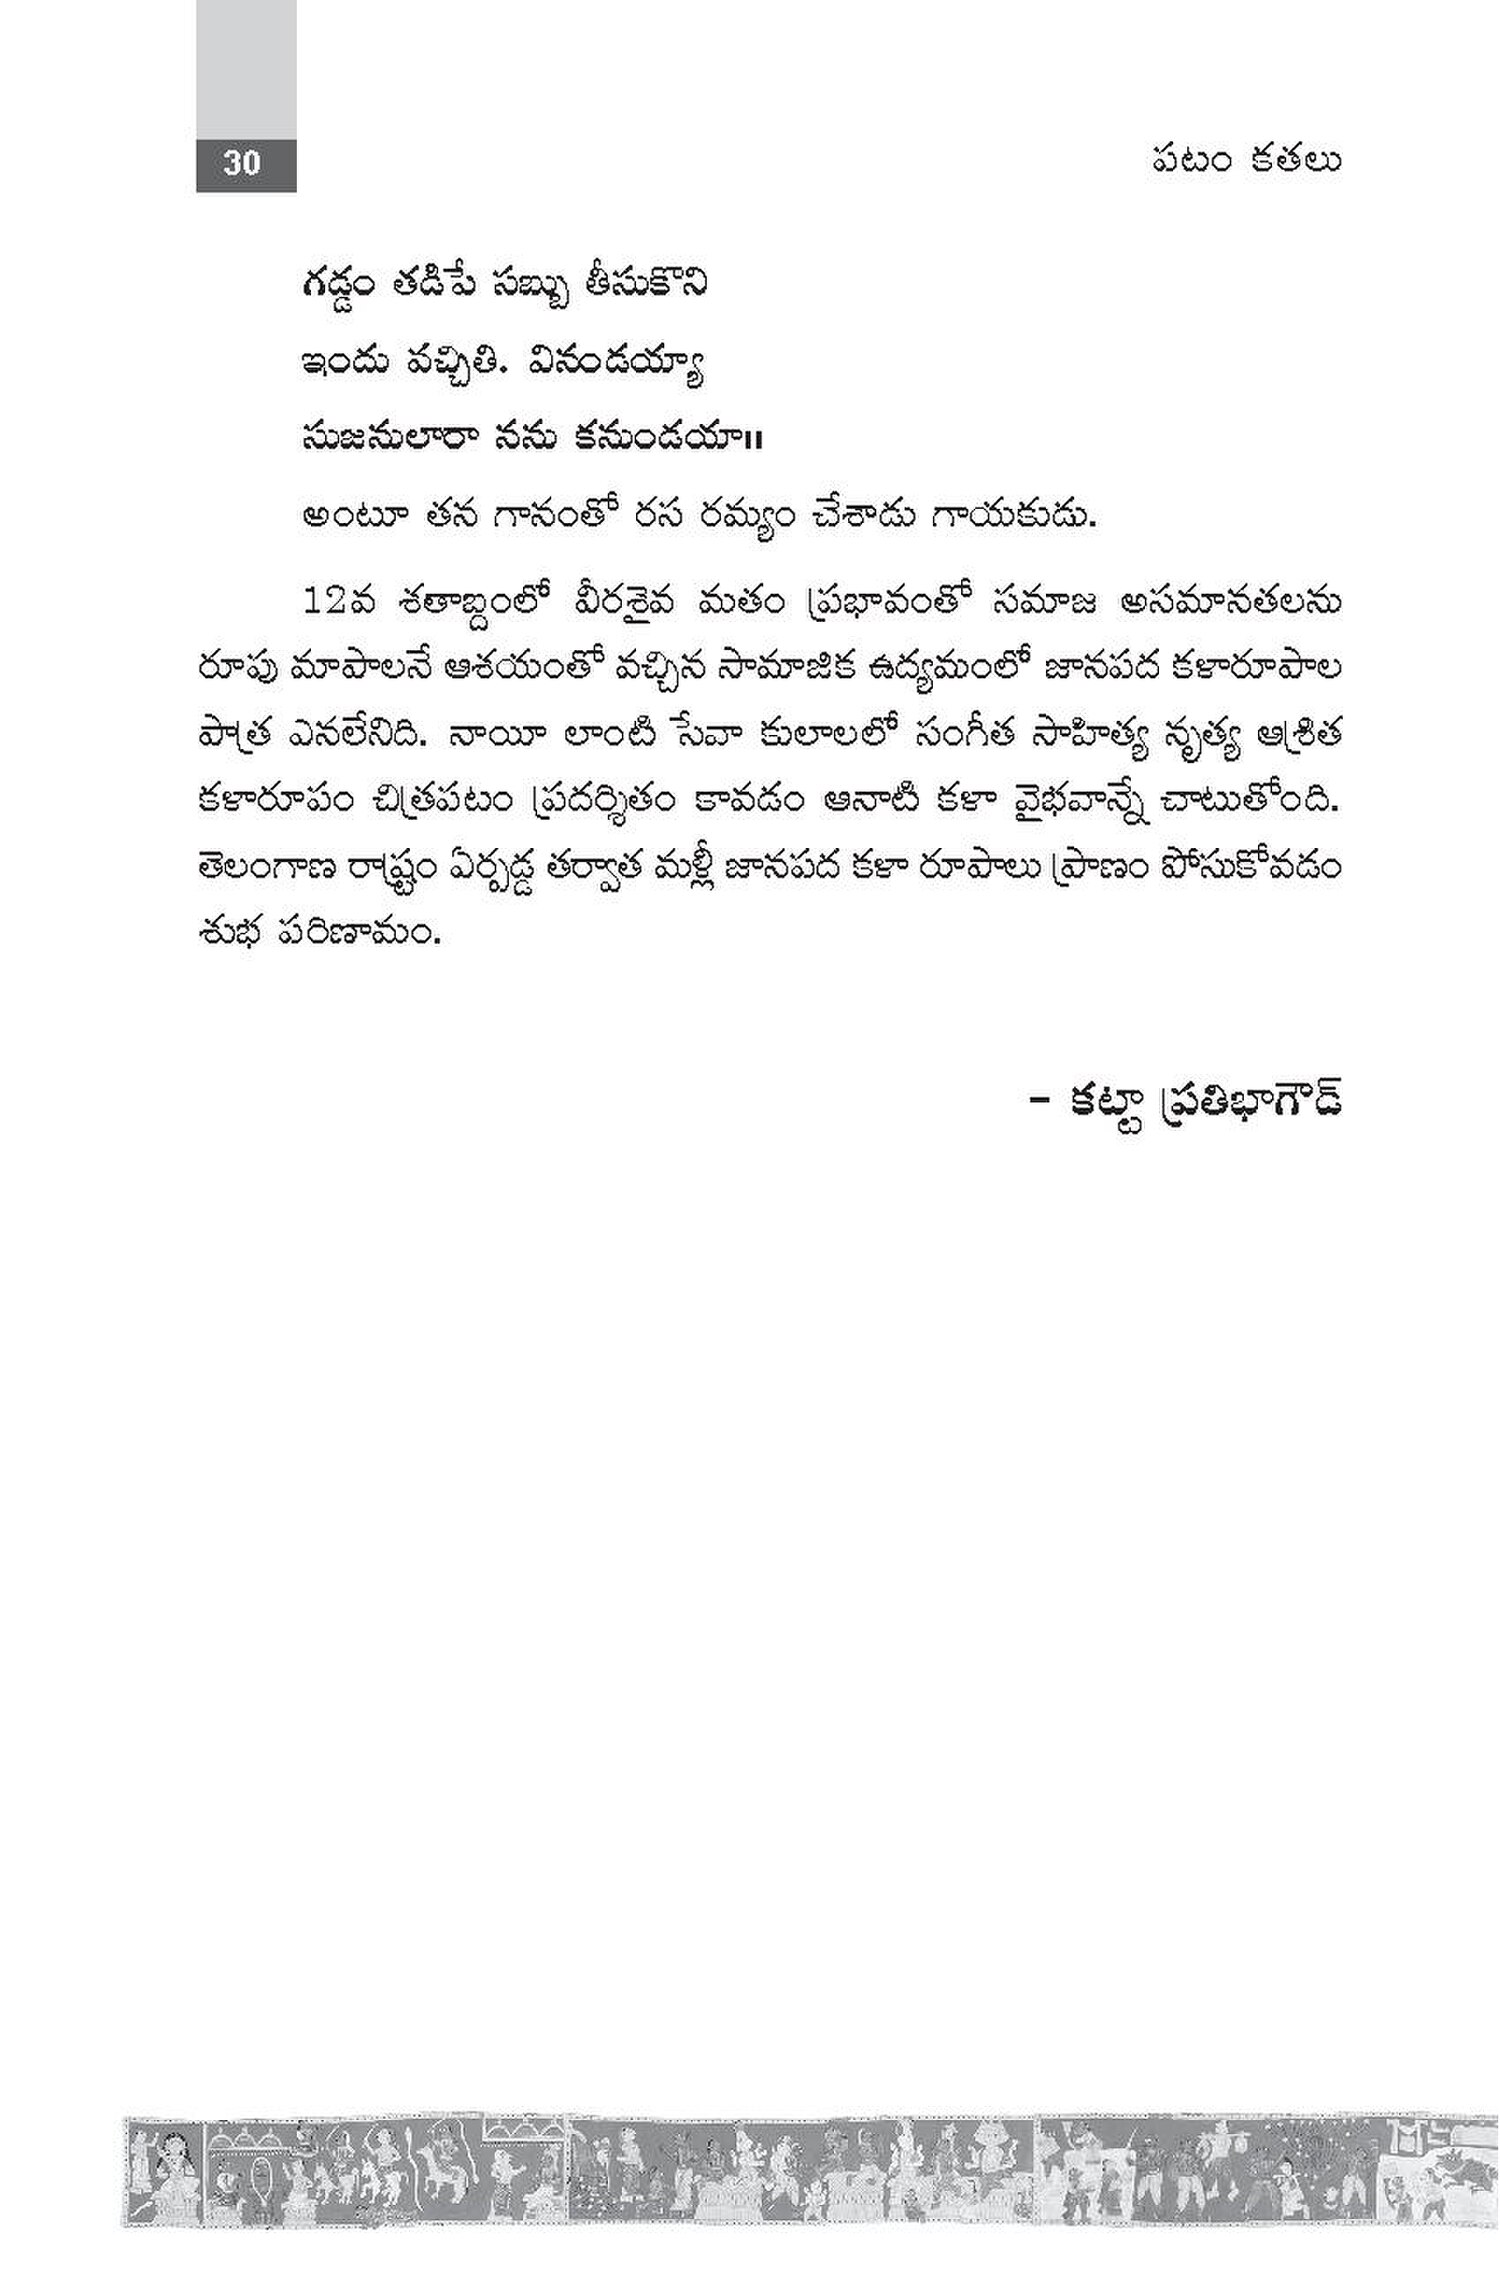గడ్డం తడిపే సబ్బు తీసుకొని
ఇందు వచ్చితి. వినందయ్యా
సుజనులారా నను కనుండయా॥
అంటూ తన గానంతో రస రమ్యం చేశాడు గాయకుడు.

12వ శతాబ్దంలో వీరశైవ మతం ప్రభావంతో సమాజ అసమానతలను రూపు మాపాలనే ఆశయంతో వచ్చిన సామాజిక ఉద్యమంలో జానపద కళారూపాలపాత్ర ఎనలేనిది. నాయీ లాంటి సేవా కులాలలో సంగీత సాహిత్య నృత్య ఆశ్రిత
కళారూపం చిత్రపటం ప్రదర్శితం కావడం ఆనాటి కళా వైభవాన్నే చాటుతోంది. తెలంగాణ రాష్ట్రం ఏర్పడ్డ తర్వాత మళ్లీ జానపద కళా రూపాలు ప్రాణం పోసుకోవడం శుభ పరిణామం.